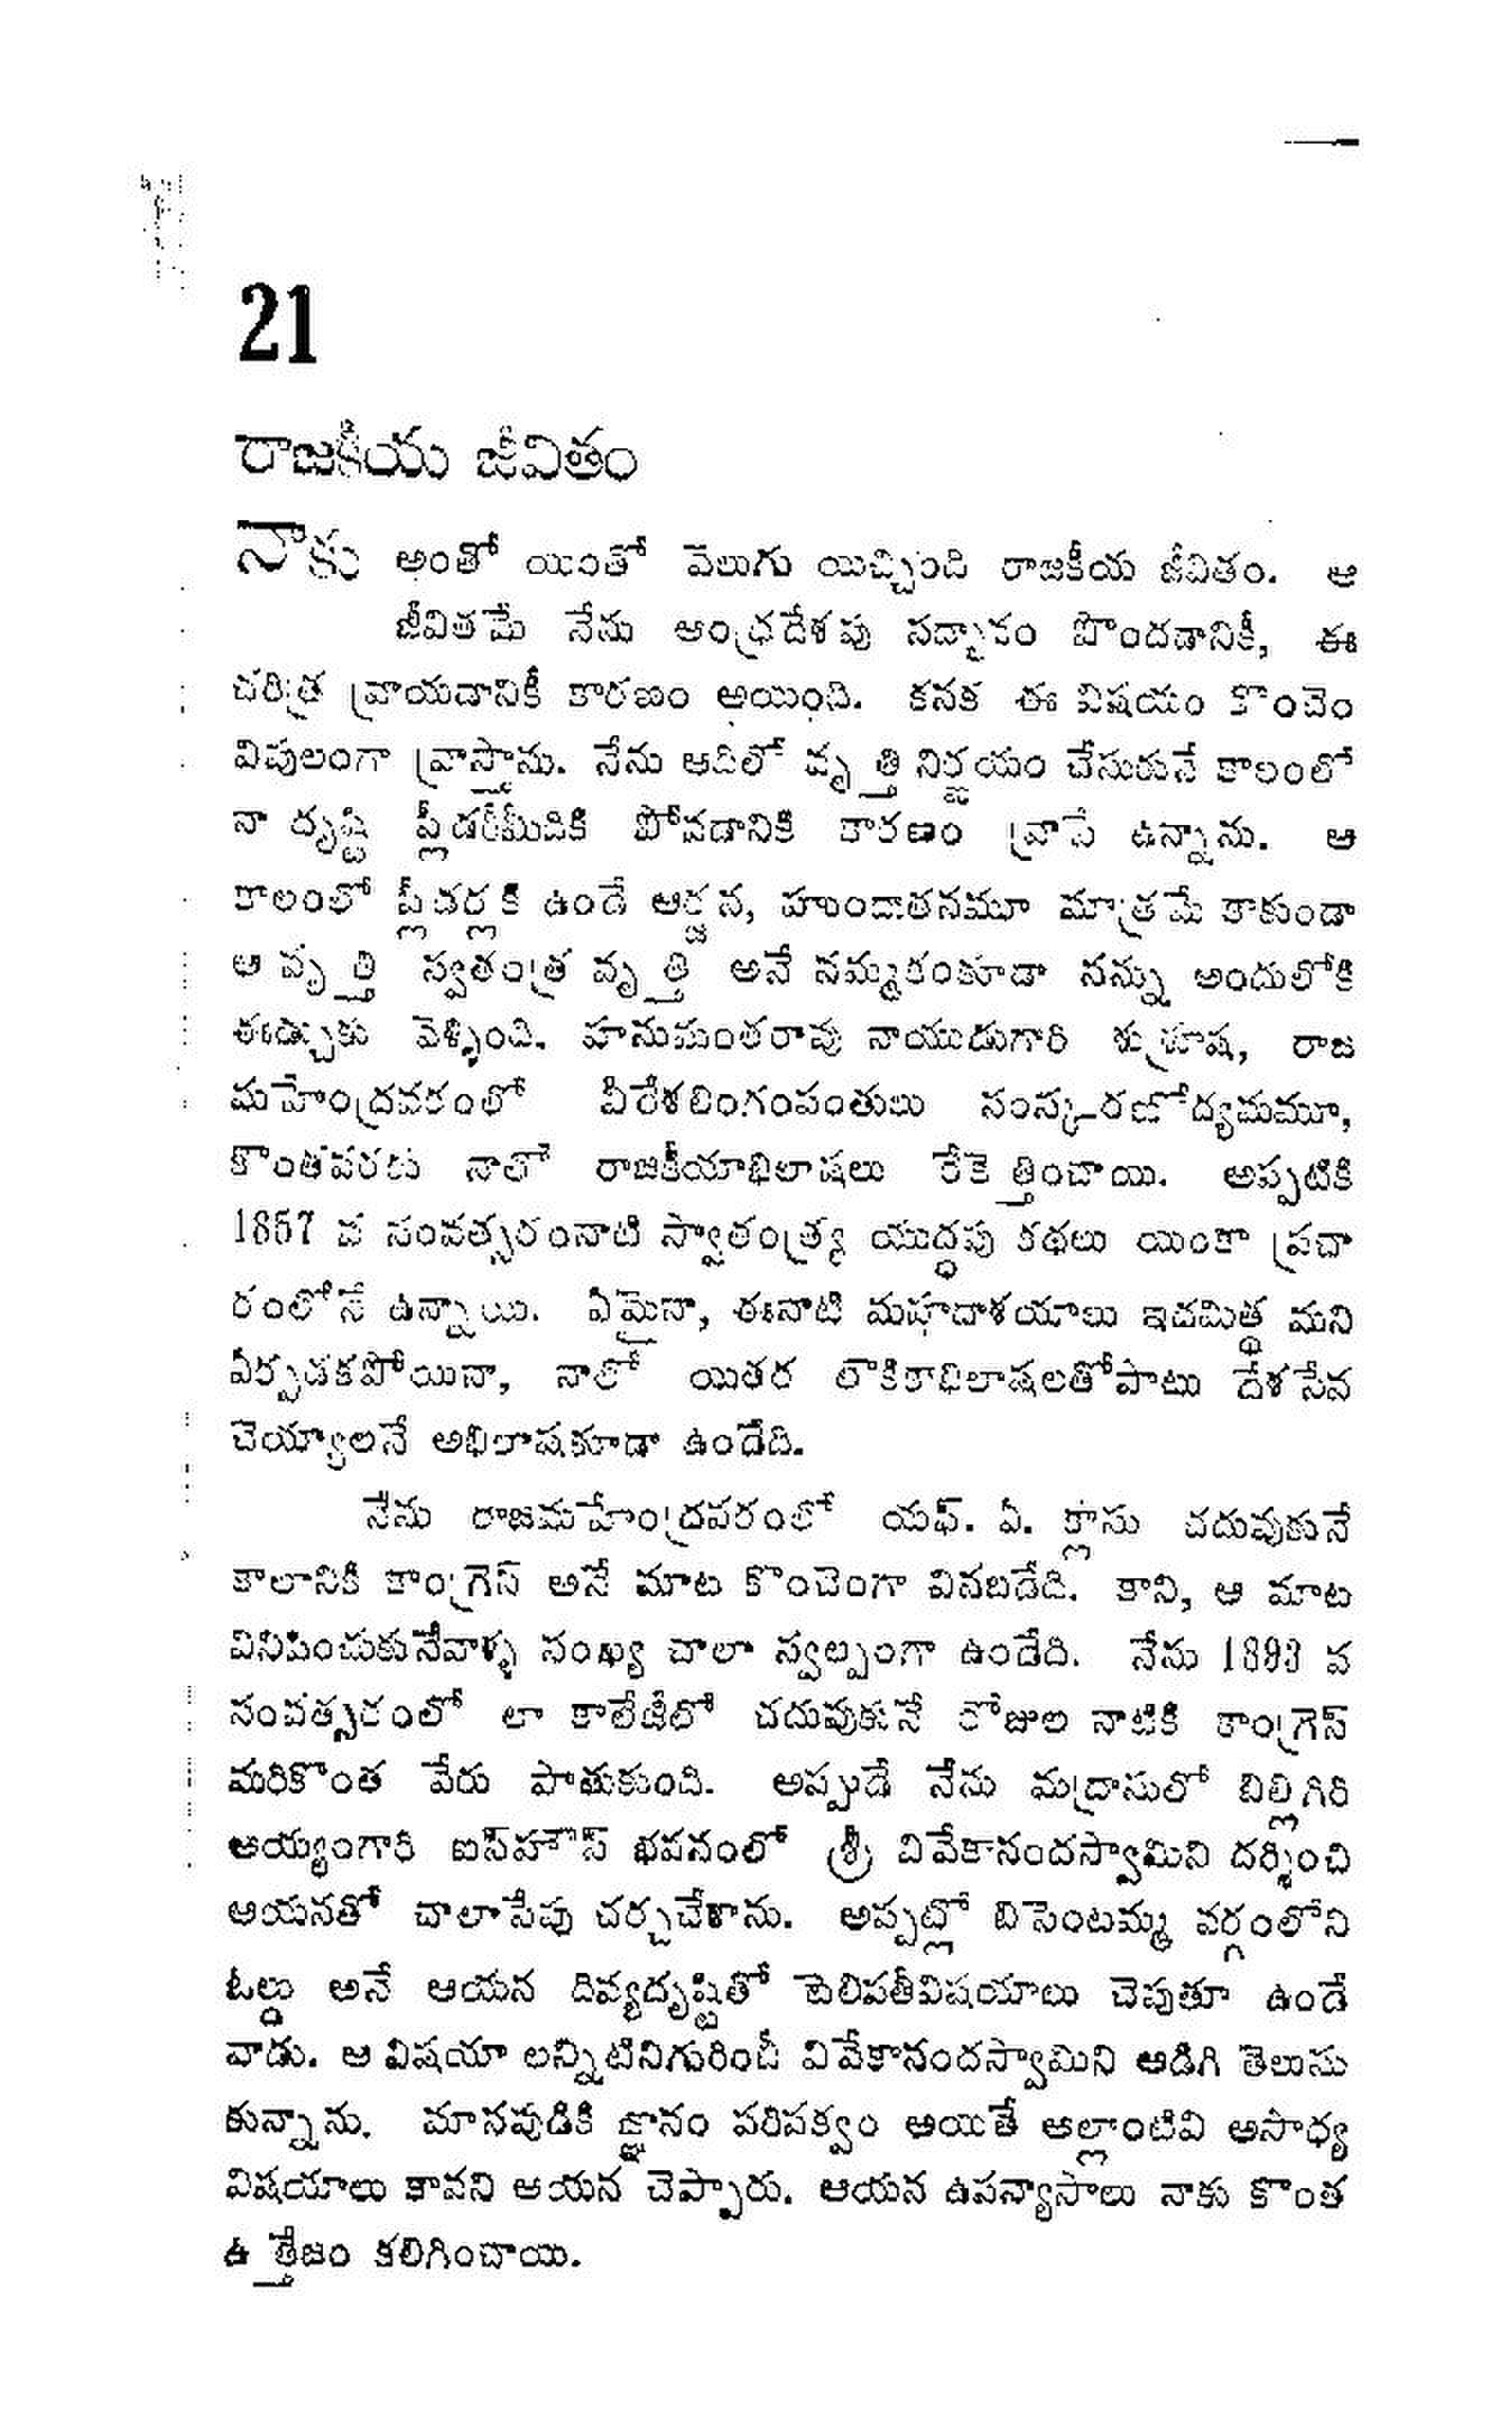నాకు అంతో యింతో వెలుగు యిచ్చింది రాజకీయ జీవితం. ఆ జీవితమే నేను ఆంధ్రదేశపు సద్భావం పొందడానికీ, ఈ చరిత్ర వ్రాయడానికీ కారణం అయింది. కనక ఈ విషయం కొంచెం విపులంగా వ్రాస్తాను. నేను ఆదిలో వృత్తి నిర్ణయం చేసుకునే కాలంలో నా దృష్టి ప్లీడరీమీదికి పోవడానికి కారణం వ్రాసే ఉన్నాను. అ కాలంలో ప్లీడర్లకి ఉండే ఆర్జన, హుందా తనమూ మాత్రమే కాకుండా ఆ వృత్తి స్వతంత్ర వృత్తి అనే నమ్మకంకూడా నన్ను అందులోకి ఈడ్చుకు వెళ్ళింది. హనుమంతరావు నాయుడుగారి శుశ్రూష, రాజమహేంద్రవరంలో వీరేశలింగంపంతులు సంస్కర ణోద్యమమూ, కొంతవరకు నాలో రాజకీయాభిలాషలు రేకెత్తించాయి. అప్పటికి 1857 వ సంవత్సరంనాటి స్వాతంత్ర్య యుద్ధపు కథలు యింకా ప్రచారంలోనే ఉన్నాయి. ఏమైనా, ఈనాటి మహదాశయాలు ఇదమిత్థ మని ఏర్పడకపోయినా, నాలో యితర లౌకికాభిలాషలతోపాటు దేశసేవ చెయ్యాలనే అభిలాషకూడా ఉండేది.

నేను రాజమహేంద్రవరంలో యఫ్. ఏ. క్లాసు చదువుకునే కాలానికి కాంగ్రెస్ అనే మాట కొంచెంగా వినబడేది. కాని, ఆ మాట వినిపించు కునేవాళ్ళ సంఖ్య చాలా స్వల్పంగా ఉండేది. నేను 1893 వ సంవత్సరంలో లా కాలేజీలో చదువుకునే రోజుల నాటికి కాంగ్రెస్ మరికొంత పేరు పాతుకుంది. అప్పుడే నేను మద్రాసులో బిల్లిగిరి అయ్యంగారి ఐస్‌హౌస్ భవనంలో శ్రీ వివేకానందస్వామిని దర్శించి ఆయనతో చాలాసేపు చర్చచేశాను. అప్పట్లో బిసెంటమ్మ వర్గంలోని ఓల్డు అనే ఆయన దివ్య దృష్టితో టెలిపతీవిషయాలు చెపుతూ ఉండేవాడు. ఆ విషయా లన్నిటి గురించీ వివేకానందస్వామిని అడిగి తెలుసుకున్నాను. మానవుడికి జ్ఞానం పరిపక్వం అయితే ఆలాంటివి అసాధ్య విషయాలు కావని ఆయన చెప్పారు. ఆయన ఉపన్యాసాలు నాకు కొంత ఉత్తేజం కలిగించాయి.